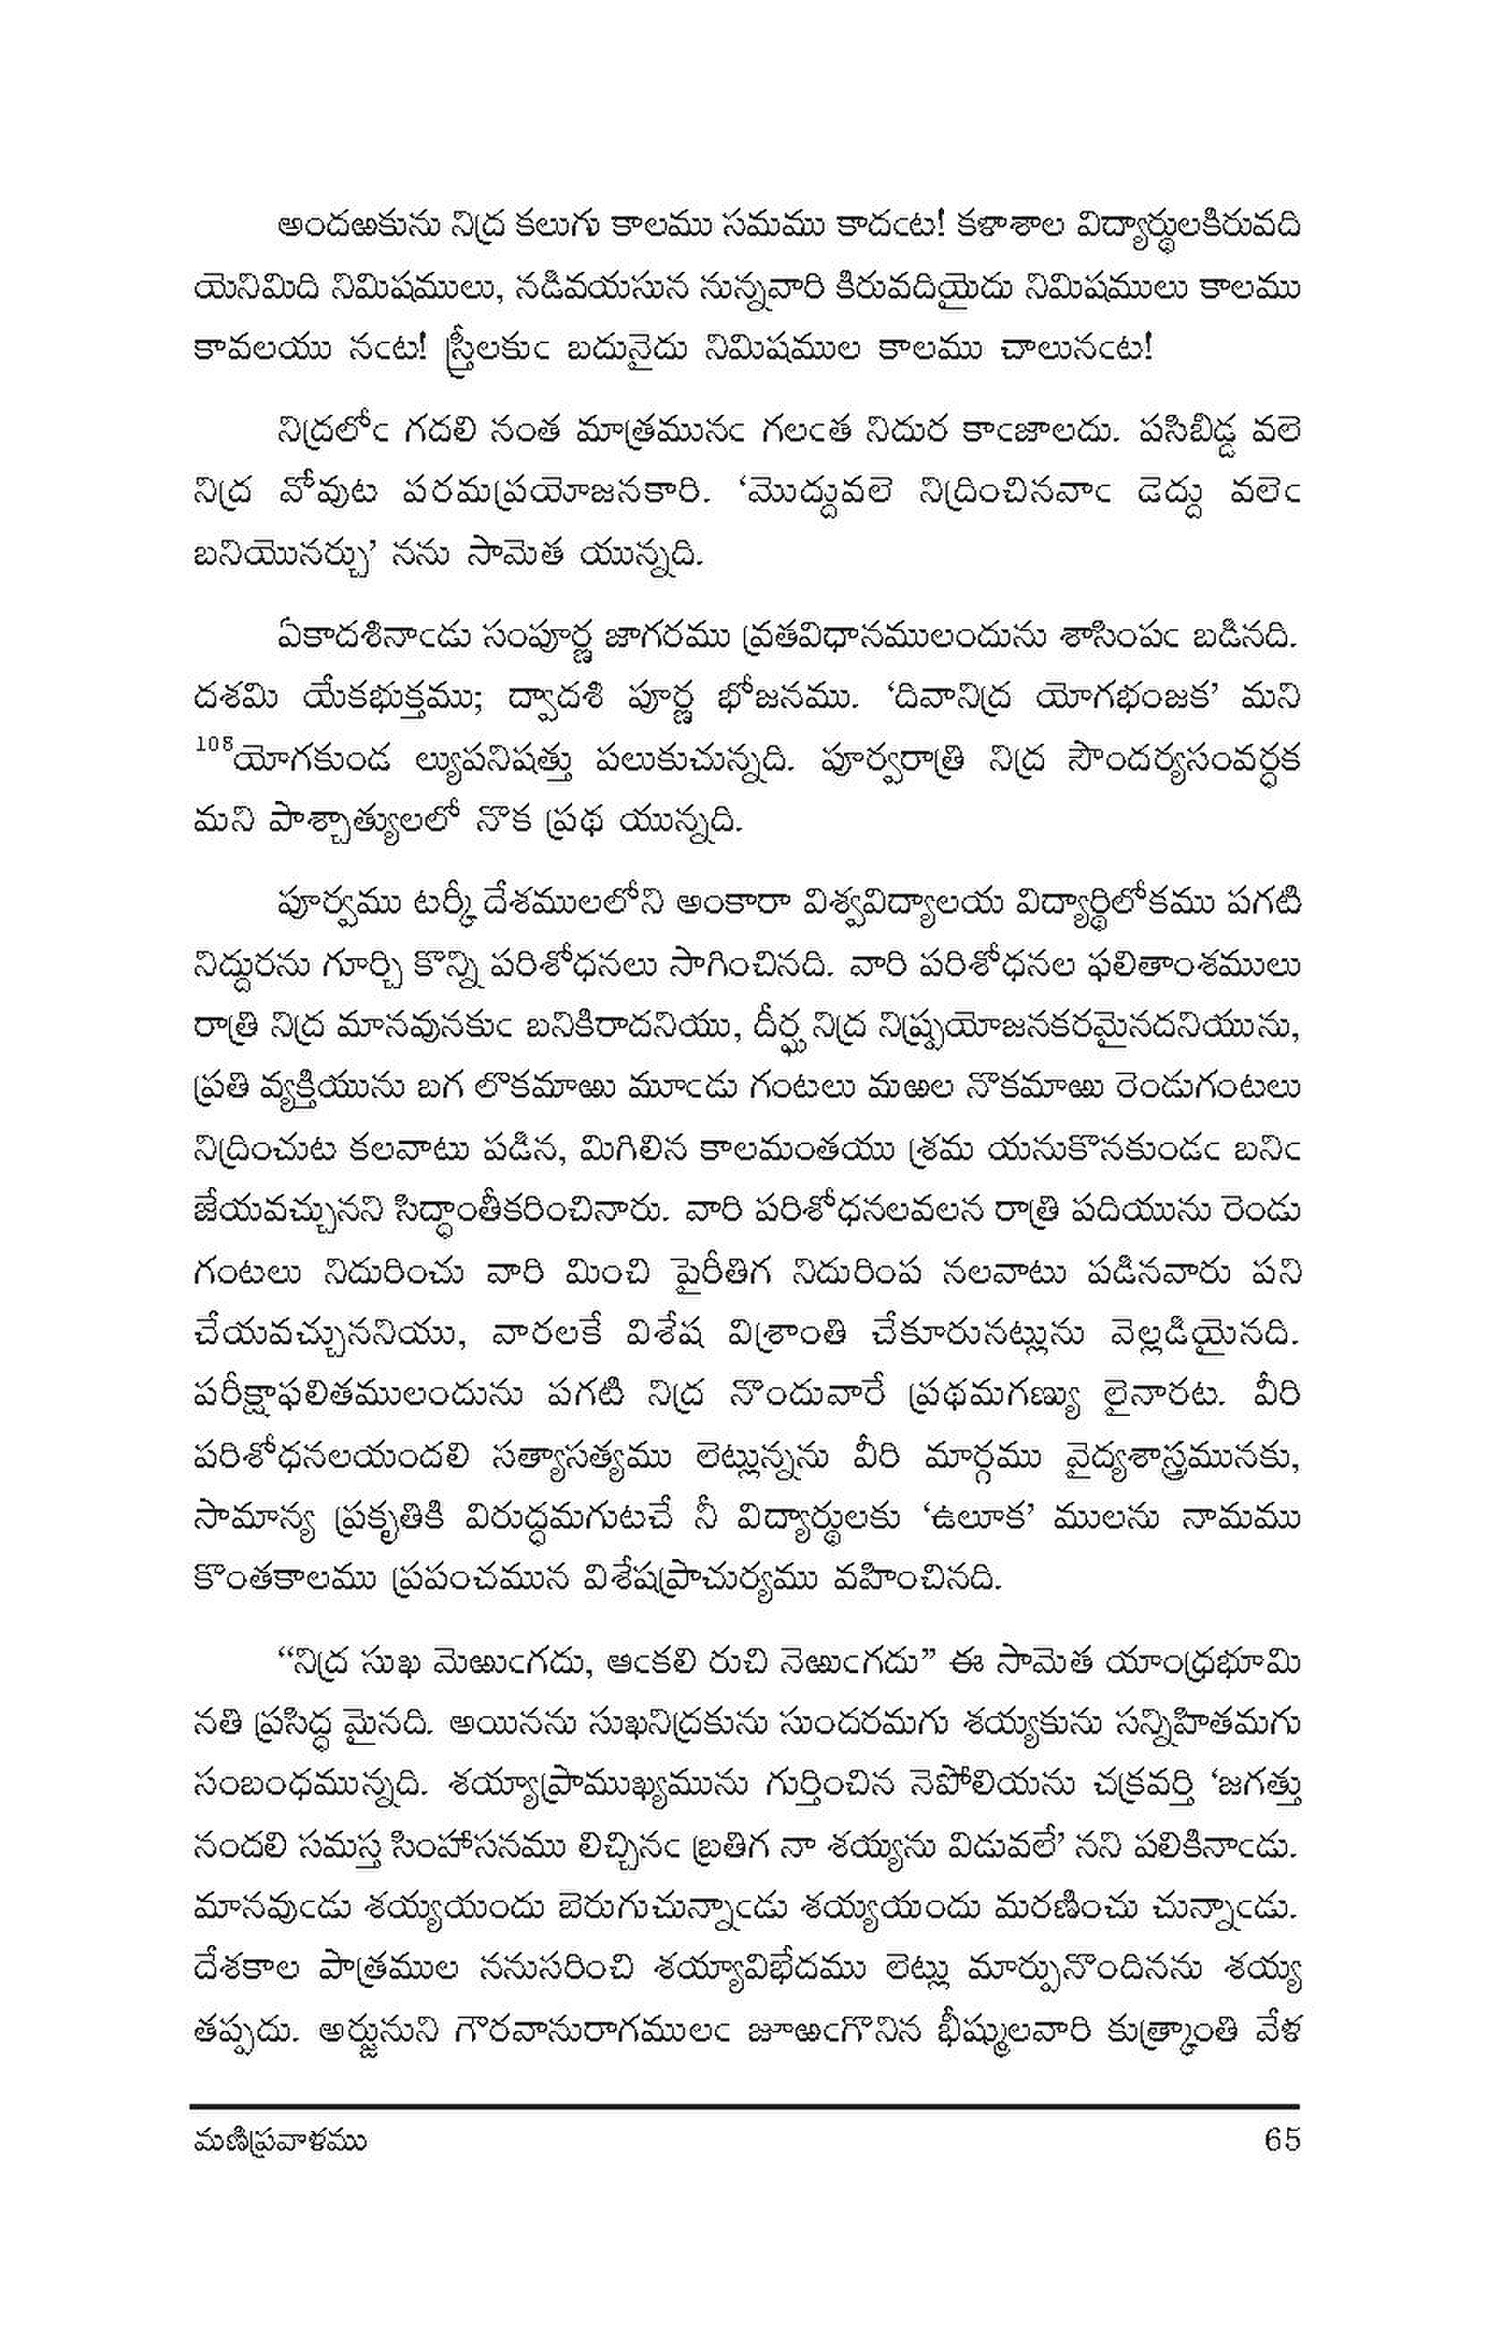అందఱకును నిద్ర కలుగు కాలము సమము కాదంట! కళాశాల విద్యార్థులకిరువది
యెనిమిది నిమిషములు, నడివయసున నున్నవారి కిరువదియైదు నిమిషములు కాలము
కావలయు నఁట! స్త్రీలకుఁ బదునైదు నిమిషముల కాలము చాలునఁట!

నిద్రలోఁ గదలి నంత మాత్రమునఁ గలఁత నిదుర కాఁజాలదు. పసిబిడ్డ వలె
నిద్ర నోవుట పరమప్రయోజనకారి. 'మొద్దువలె నిద్రించినవాఁ డెద్దు వలెఁ
బనియొనర్చు' నను సామెత యున్నది.

ఏకాదశి సంపూర్ణ జాగరము వ్రతవిధానములందును శాసింపఁ బడినది.
దశమి యేకభుక్తము; ద్వాదశి పూర్ణ భోజనము. 'దివానిద్ర యోగభంజక' మని
యోగకుండ ల్యుపనిషత్తు పలుకుచున్నది. పూర్వరాత్రి నిద్ర సౌందర్యసంవర్ధక
మని పాశ్చాత్యులలో నొక ప్రథ యున్నది.

పూర్వము టర్కీ దేశములలోని అంకారా విశ్వవిద్యాలయ విద్యార్థిలోకము పగటి
నిద్దురను గూర్చి కొన్ని పరిశోధనలు సాగించినది. వారి పరిశోధనల ఫలితాంశములు
రాత్రి నిద్ర మానవునకుఁ బనికిరాదనియు, దీర్ఘ నిద్ర నిష్ప్రయోజనకరమైనదనియును,
ప్రతి వ్యక్తియును బగ లొకమాఱు మూఁడు గంటలు మఱల నొకమాఱు రెండుగంటలు
నిద్రించుట కలవాటు పడిన, మిగిలిన కాలమంతయు శ్రమ యనుకొనకుండఁ బనిఁ
జేయవచ్చునని సిద్ధాంతీకరించినారు. వారి పరిశోధనలవలన రాత్రి పదియును రెండు
గంటలు నిదురించు వారి మించి పైరీతిగ నిదురింప నలవాటు పడినవారు పని
చేయవచ్చుననియు, వారలకే విశేష విశ్రాంతి చేకూరునట్లును వెల్లడియైనది.
పరీక్షాఫలితములందును పగటి నిద్ర నొందువారే ప్రథమగణ్యు లైనారట. వీరి
పరిశోధనలయందలి సత్యాసత్యము లెట్లున్నను వీరి మార్గము వైద్యశాస్త్రమునకు,
సామాన్య ప్రకృతికి విరుద్ధమగుటచే నీ విద్యార్థులకు 'ఉలూక' ములను నామము
కొంతకాలము ప్రపంచమున విశేషప్రాచుర్యము వహించినది.

“నిద్ర సుఖ మెఱుఁగదు, ఆఁకలి రుచి నెఱుఁగదు" ఈ సామెత యాంధ్రభూమి
నతి ప్రసిద్ధ మైనది. అయినను సుఖనిద్రకును సుందరమగు శయ్యకును సన్నిహితమగు
సంబంధమున్నది. శయ్యప్రాముఖ్యమును గుర్తించిన నెపోలియను చక్రవర్తి 'జగత్తు
నందలి సమస్త సింహాసనము లిచ్చినఁ బ్రతిగ నా శయ్యను విడువలే' నని పలికినాఁడు.
మానవుఁడు శయ్యయందు బెరుగుచున్నాఁడు శయ్యయందు మరణించు చున్నాఁడు.
దేశకాల పాత్రముల ననుసరించి శయ్యావిభేదము లెట్లు మార్పునొందినను శయ్య
తప్పదు. అర్జునుని గౌరవానురాగములఁ జూఱఁగొనిన భీష్ములవారి కుత్క్రాంతి వేళ